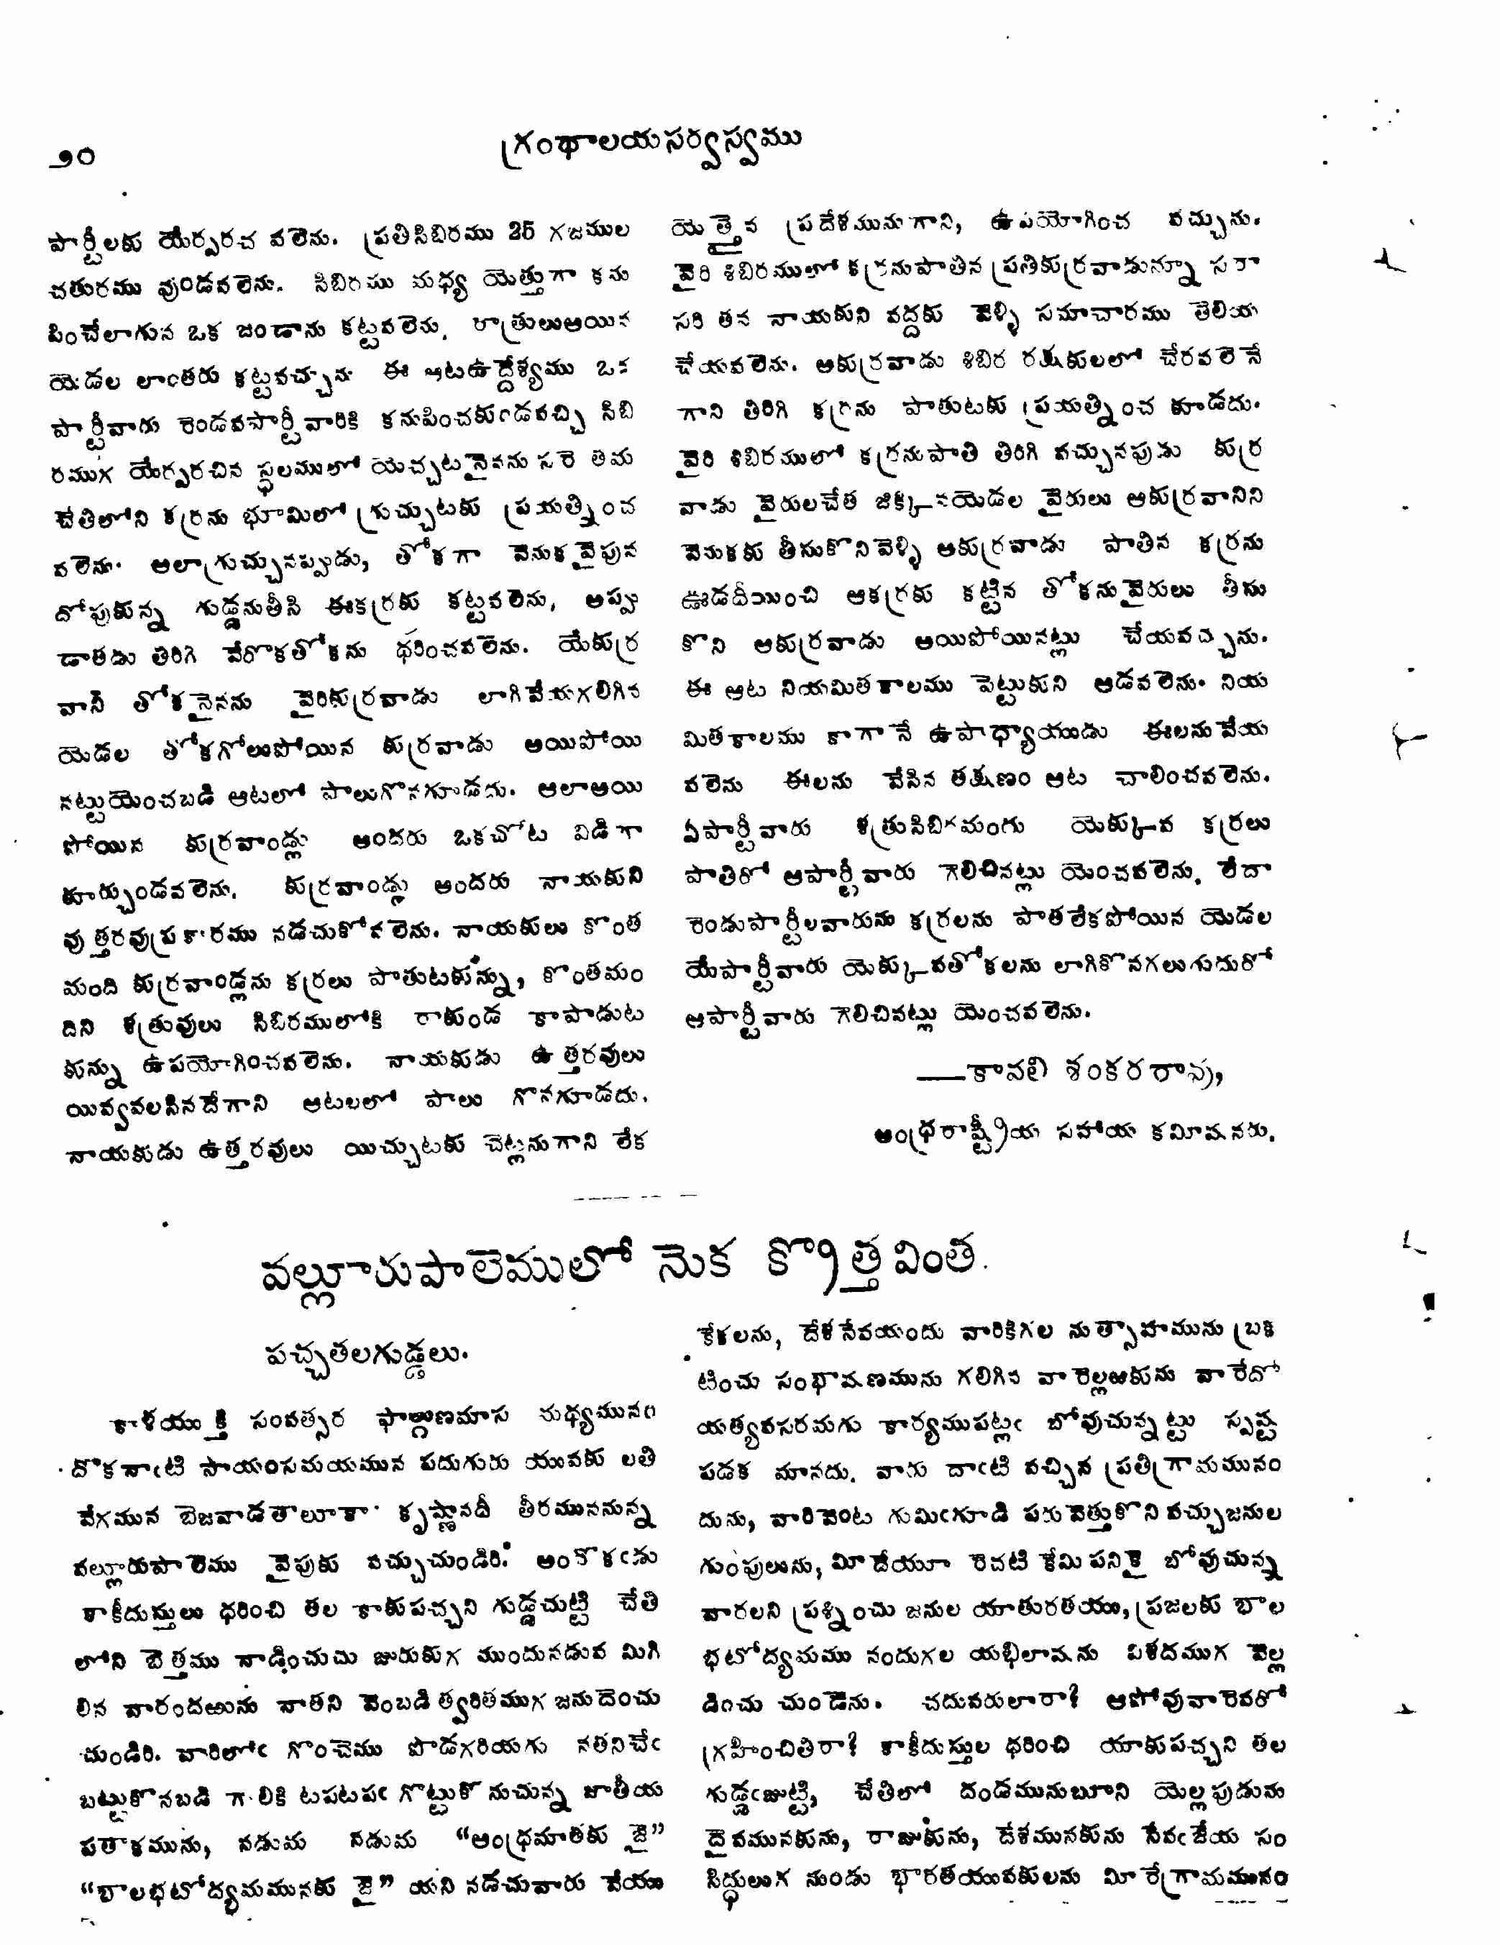పార్టీలకు యేర్పరచవలెను. ప్రతిసిబిరము 25 గజముల చతురము వుండవలెను. సిబిరము మధ్య యెత్తుగా కనుపించేలాగున ఒక జండాను కట్టవలెను. రాత్రులు అయినయెడల లాంతరు కట్టవచ్చును. ఈ ఆట ఉద్దేశ్యము ఒక రు రెండవ పార్టీ వారికి కనుపించకుండ వచ్చి సిబిరముగ యేర్పరచిన స్థలములో యెచ్చటనైనను సరె తమ చేతిలోని కర్రను భూమిలో గ్రుచ్చుటకు ప్రయత్నించవలెను. అలా గ్రుచ్చునప్పుడు, తోకగా వెనుకవైపున దోపుకున్న గుడ్డను తీసి ఈకర్రకు కట్టవలెను, అప్పుడాతడు తిరిగి వేరొకతోకను ధరించవలెను. యేకుర్రవానీ తోకనైనను వైరికుర్రవాడు లాగి వేయగలిగిన యెడల తోకగోలుపోయిన కుర్రవాడు అయిపోయినట్టుయెంచబడి ఆటలో పాలుగొనగూడదు. ఆలా అయిపోయిన కుర్రవాండ్లు అందరు ఒకచోట విడిగా కూర్చుండవలెను, కుర్రవాండ్లు అందరు వుత్తరవుప్రకారము నడచుకోవలెను. నాయకులు కొంతమంది కుర్రవాండ్లను కర్రలు పాతుటకున్ను, కొంతమందిని శత్రువులు సిబిరములోకి రాకుండ కాపాడుట కున్న నాయకుడు ఉత్తరవులు యివ్వవలసినదేగాని ఆటలలో పాలు గొనగూడదు. నాయకుడు ఉత్తరవులు యిచ్చుటకు చెట్లను గాని లేక యెత్తైన ప్రదేశమును గాని, ఉపయోగించ వచ్చును. వైరి శిబిరములో కర్రను పాతిన ప్రతికుర్రవాడున్నూ సరాసరి తన నాయకుని వద్దకు వెళ్ళి సమాచారము తెలియచేయవలెను. ఆకుర్రవాడు శిబిర రక్షకులలో చేరవలెనే గాని తిరిగి కర్రను పాతుటకు ప్రయత్నించ కూడదు. వైరి శిబిరములో కర్రనుపాతి తిరిగి వచ్చునపుడు కుర్రవాడు వైరులచేత జిక్కనయెడల వైరులు ఆ కుర్రవానిని
వెనుకకు తీసుకొని వెళ్ళి ఆకుర్రవాడు పాతిన కర్రను ఊడదీయించి ఆకర్రకు కట్టిన తోకను వైరులు తీసుకోని ఆకుర్రవాడు అయిపోయినట్లు
చేయవచున్నును. ఈ ఆట నియమితకాలము పెట్టుకుని ఆడవలెను. నియమితకాలము కాగానే ఉపాధ్యాయుడు ఈలను వేయవలెను. 
ఈలను చేసిన తక్షణం ఆట చాలించవలెను. ఏపార్టీ వారు శత్రునిబిరమందు యెక్కువ కర్రలు పాతిరో ఆపార్టీ వారు గెలిచినట్లు యెంచవలెను లేదా రెండు పార్టీలవారును కర్రలను పాతలేకపోయిన యెడల యేపార్టీవారు యెక్కువతోకలను లాగికొనగలుగుదురో
ఆపార్టీవారు గెలిచినట్లు యెంచవలెను.

కాళయుక్తి సంవత్సర ఫాల్గుణమాస మధ్యమునందొకనాఁటి సాయంసమయమున పదుగురు యువకు లతి వేగమున బెజవాడతాలూకా కృష్ణానదీ తీరముననున్న వల్లూరుపాలెము వైపుకు వచ్చుచుండిరి. అందొకఁడు కాకీదుస్తులుధరించి తల కాకుపచ్చని గుడ్డచుట్టి చేతి
లోని బెత్తము నాడించుచు జురుకుగ ముందునడువ మిగిలిన వారందఱును వాతని వెంబడి త్వరితముగ జనుదెంచు చుండిరి. వారిలోఁ గొంచెము పొడగరియగు నతనిచే బట్టుకొనబడి గాలికి టపటపఁ గొట్టుకొనుచున్న జాతీయపతాకమును, నడుమ నడుమ “ఆంధ్రమాతకు జై”
“బాలభటోద్యమమునకు జై” యని నడచువారు వేయు కేకలను, దేశసేవయందు వారికిగల నుత్సాహమును బ్రకటించు సంభాషణమును గలిగిన వారెల్లఱకును వారేదోయత్యవసరమగు కార్యముపట్లఁ బోవుచున్నట్టు స్పష్టపడక మానదు. వారు దాఁటి వచ్చిన ప్రతి గ్రామము
నందును, వారి వెంట గుమిఁ గూడి పరువెత్తుకొని వచ్చుజనుల గుంపులును, మీదేయూ రెచటి కేమిపనికై బోవుచున్నవారలని ప్రశ్నించు జనుల యాతురతయు, ప్రజలకు బాలభటోద్యమము నందుగల యభిలాషను విశదముగ వెల్లడించు చుండెను. చదువరులారా? ఆపోవువారెవరో గ్రహించితిరా? కాకీదుస్తుల ధరించి యాకుపచ్చని తలగుడ్డఁజుట్టి, చేతిలో దండమునుబూని యెల్లపుడును దైవమునకును, రాజుకును, దేశమునకును సేవఁజేయ సంసిద్దులుగ నుండు భారతీయువకులను మీరే గ్రామమునం